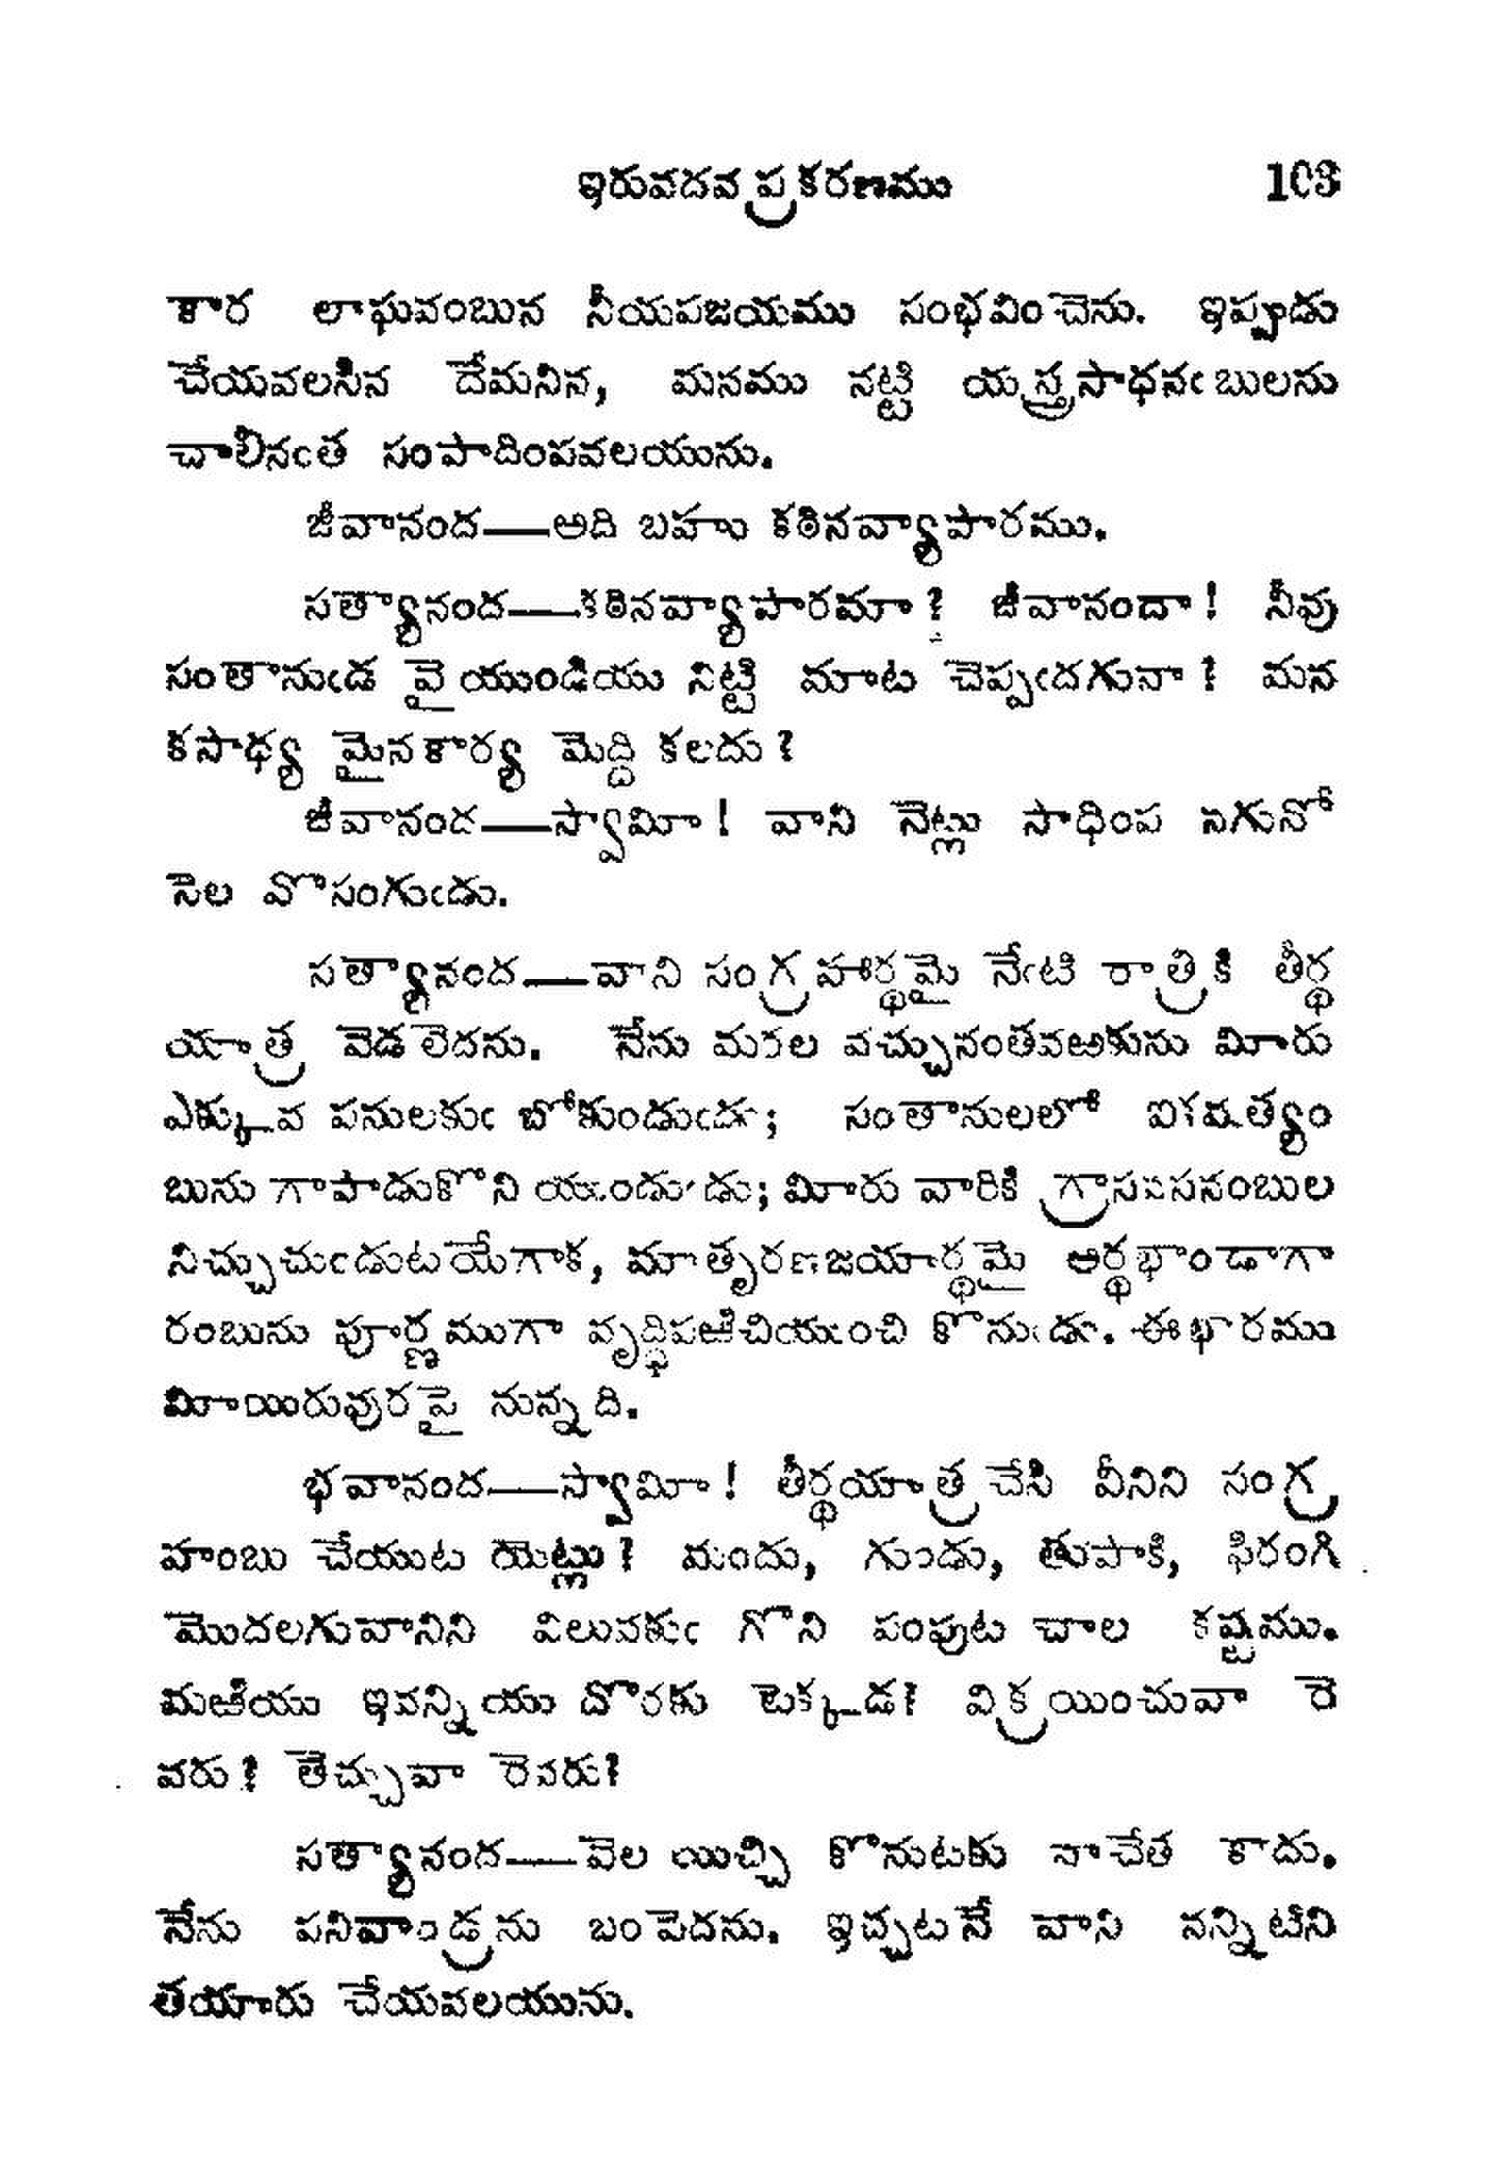కార లాఘవంబున నీయపజయము సంభవించెను. ఇప్పుడు చేయవలసిన దేమనిన, మనము నట్టి యస్త్ర సాధనఁ బులను
చాలినంత సంపాదింపవలయును.

జీవానంద—— అది బహు కఠిన వ్యాపారము.

సత్యానంద—— కఠిన వ్యాపారమా! జీవానందా! నీవు సంతానుఁడ వై యుండియు నిట్టి మాట చెప్పఁదగునా ! మన
కసాధ్యమైన కార్య మెద్ది కలదు ?

జీవానంద—— స్వామీ ! వాని నెట్లు సాధింప నగునో సెల వొసంగుఁడు.

సత్యానంద—— వాని సంగ్రహార్థమై నేఁటి రాత్రికి తీర్థయాత్ర వెడలెదను. నేను మరల వచ్చునంతవఱకును మీరు ఎక్కువ పనులకుఁ బోకుండుఁడు; సంతానులలో ఐకమత్యంబును గాపాడుకొని యుండుడు; మీరు వారికి గ్రాసపసనంబుల
నిచ్చుచుఁడుటయేగాక, మాతృరణ జయార్థమై అర్థ భాండాగారంబును పూర్ణముగా వృద్ధిపణిచియుంచి కొనుఁడు. ఈ భారము
మీయిరువురపై నున్నది.

భవానంద—— స్వామి ! తీర్థయాత్ర చేసి వీనిని సం సంగ్రహంబు చేయుట యెట్లు? మందు, గుండు, తుపాకి, ఫిరంగి మొదలగువానిని విలువకుఁ గొని పంపుట చాల కష్టము. మఱియు ఇవన్నియు దొరకు టెక్కడ? విక్రయించు వా రెవరు! తెచ్చువారెవరు?

సత్యానంద——వెల యిచ్చి కొనుటకు నాచేత కాదు. నేను పనివాండ్రను బంపెదను, ఇచ్చటనే వాని నన్నిటిని తయారు చేయవలయును.